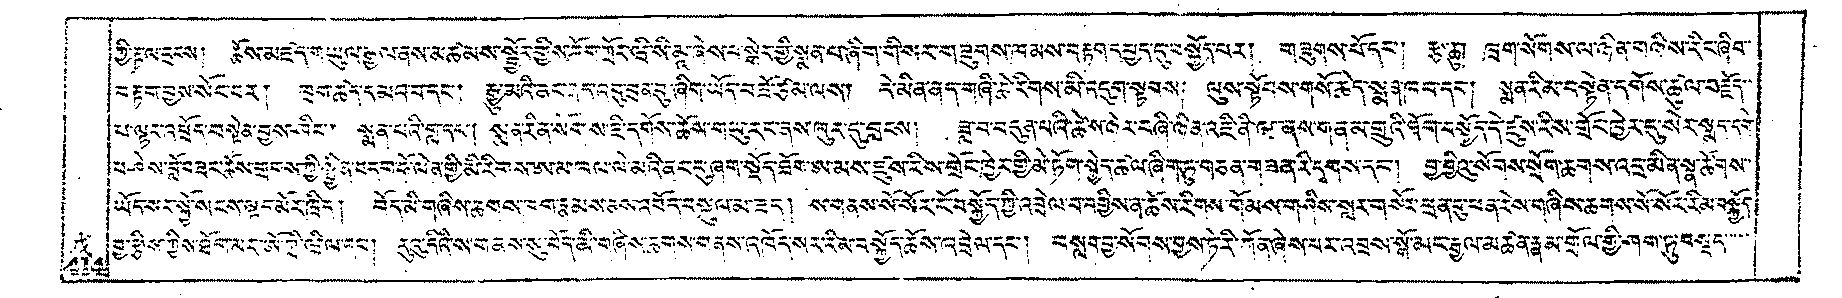ཀྱི་རྟ་ལ་དྲངས། ཆོས་མཛད་གཡུལ་རྒྱལ་ནས་མཚམས་སྦྱོར་གྱིས་ཌོག་ཀྲོར་ཝི་སི་མཱ་ཞེས་པ་སྒེར་གྱི་སྨན་པ་ཞིག་གི་སར་གཟུགས་ཁམས་བརྟག་དཔྱད་དུ་བསྐྱོད་པར། གཟུགས་པོ་དང་། རྩ་ཆུ། ཁྲག་སོགས་ལ་ཉིན་གཉིས་རིང་ཞིབ་
བརྟག་བྱས་སོང་བར། ཁྲག་ཚད་དམའ་བ་དང་། རྒྱུ་མའི་ནང་ནད་འབུ་ཕྲན་བུ་ཞིག་ཡོད་བཟོ་ཙམ་ལས། དེ་མིན་ནད་གཞི་ཆེ་རིགས་མི་འདུག་སྟབས། ལུས་སྟོབས་གསོ་ཆེད་སྨན་ཁབ་དང་། སྨན་རིམ་བསྟེན་དགོས་ཚུལ་བརྗོད་
པ་ལྟར་འཕྲོད་བསྟེན་བྱས་ཤིང་། སྨན་པའི་གླ་དང་། སྨན་རིན་སོགས་ཇི་དགོས་ཆོས་གཡུ་རང་ནས་ཁུར་དུ་བླངས། ཟླ་བ་བདུན་པའི་ཚེས་ཉེར་བཞི་ཉིན་འཇི་ནི་ཝ་ནས་གནམ་གྲུའི་ཐོག་བསྐྱོད་དེ་ཛུས་རིས་གྲོང་ཁྱེར་དུ་སེར་སྨད་དགེ་
བཤེས་བློ་བཟང་ཆོས་གྲགས་ཀྱི་སྤྱིན་བདག་ཧོ་ལེན་གྱི་མི་རིགས་ཨ་མ་ཁལ་ལེ་མའི་ནང་དུ་ཞག་སྡོད་ཐོག་ཨ་མས་ཛུས་རིས་གྲོང་ཁྱེར་གྱི་མེ་ཏོག་སྐྱེད་ཚལ་ཞིག་ཏུ་གཅན་གཟན་རི་དྭགས་དང་། བྱ་བྱིའུ་སོགས་སྲོག་ཆགས་འདྲ་མིན་སྣ་ཚོགས་
ཡོད་སར་སྐྱོ་སངས་ལྟད་མོར་ཁྲིད། བོད་མི་གཞིས་ཆགས་ཁག་རྣམས་ནས་འབོད་བསྐུལ་མ་ཟད། ས་གནས་སོ་སོར་ངོ་བསྐྱོད་ཀྱི་འབྲེལ་བ་བགྱིས་ན་ཆོས་རིགས་གོམས་གཤིས་སླར་གསོར་ཕྲན་བུ་ཕན་རེས་གཞིས་ཆགས་སོ་སོར་རིམ་བསྐྱོད་
བྱ་རྩིས་ཀྱིས་ཐོག་མར་ཨོ་ཀྲི་ཝི་ལ་དང་། རུའུ་དིའི་ས་གནས་སུ་བོད་མི་གཞིས་ཆགས་གནས་འཁོད་སར་རིམ་བསྐྱོད་ཆོས་འབྲེལ་དང་། བསླབ་བྱ་སོགས་བྱས་ཏེ་རི་ཀོན་ཞེས་པར་འབྲས་སྒོ་མང་རྒྱལ་མཚན་རྣམ་གྲོལ་གྱི་ཤག་ཏུ་བསྡད་